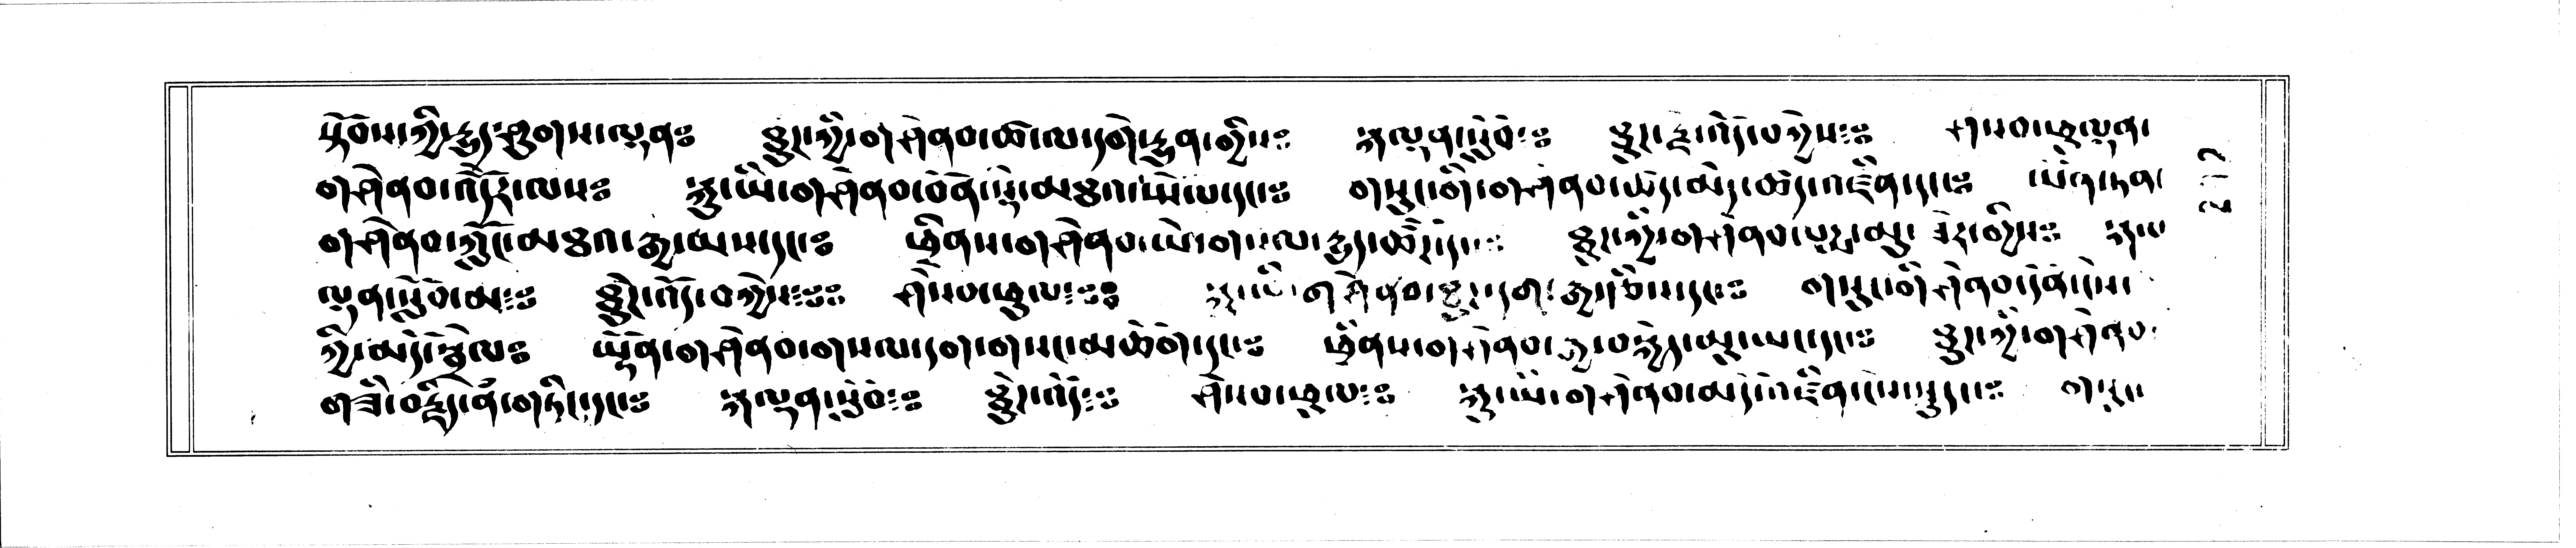སྟོབས་ཀྱི་རྒྱུད་ཤུགས་ལྡནཿ ཐུགས་ཀྱི་གཤེན་རབཿ ཚ་ལ་དགེ་རྒྱུན་གྱིསཿ སྐལ་ལྡན་སློབ་མ་རྣམས་ལ་དབང་བསྐུར་བསཿ ཐུགས་རྗེ་འོད་བཀྱེས་འགྲོ་འདྲེན་དབང་ཐོབ་ཤོགཿ 
ཤེས་རབ་ཕུལ་ལྡན་གཤེན་རབ་འོད་ཟེར་ལསཿ སྐུ་ཡི་གཤེན་རབ་བོན་སྡེ་མཐའ་སྤེལ་དངཿ གསུང་གི་གཤེན་རབ་ཚད་མའི་ཚད་འཛིན་དངཿ ཡོན་ཏན་
གཤེན་རབ་ཀློང་མཐའ་རྒྱ་ཡས་དངཿ ཕྲིན་ལས་གཤེན་རབ་ཡེ་གསལ་རྒྱུད་ཚོགས་དངཿ ཐུགས་ཀྱི་གཤེན་རབ་པད་མ་མུ་ཟེར་གྱིསཿ སྐལ་
ལྡན་སློབ་མ་རྣམས་ལ་དབང་བསྐུར་བསཿ ཐུགས་རྗེ་འོད་བཀྱེས་འགྲོ་འདྲེན་དབང་ཐོབ་ཤོགཿ ཤེས་རབ་ཕུལ་ལྡན་གཤེན་རབ་འོད་ཟེར་ལསཿ སྐུ་ཡི་གཤེན་རབ་ཐུགས་དག་རྒྱ་རྩིས་དངཿ གསུང་གི་གཤེན་རབ་དོན་ངེས་
མདོ་སྦྲེལ་དངཿ ཡོན་ཏན་གཤེན་རབ་གསལ་དག་གཙང་མཆོག་དངཿ ཕྲིན་ལས་གཤེན་རབ་རྒྱ་སྐྱེད་མུ་ཡངས་དངཿ ཐུགས་ཀྱི་གཤེན་རབ་
གཟི་བརྗིད་ནམ་ཏིང་གིསཿ སྐལ་ལྡན་སློབ་མ་རྣམས་ལ་དབང་བསྐུར་བསཿ ཐུགས་རྗེ་འོད་བཀྱེས་འགྲོ་འདྲེན་དབང་ཐོབ་ཤོགཿ ཤེས་རབ་ཕུལ་ལྡན་གཤེན་རབ་འོད་ཟེར་ལསཿ སྐུ་ཡི་གཤེན་རབ་མདོ་འཛིན་ངེས་སྡུད་དངཿ གསུང་